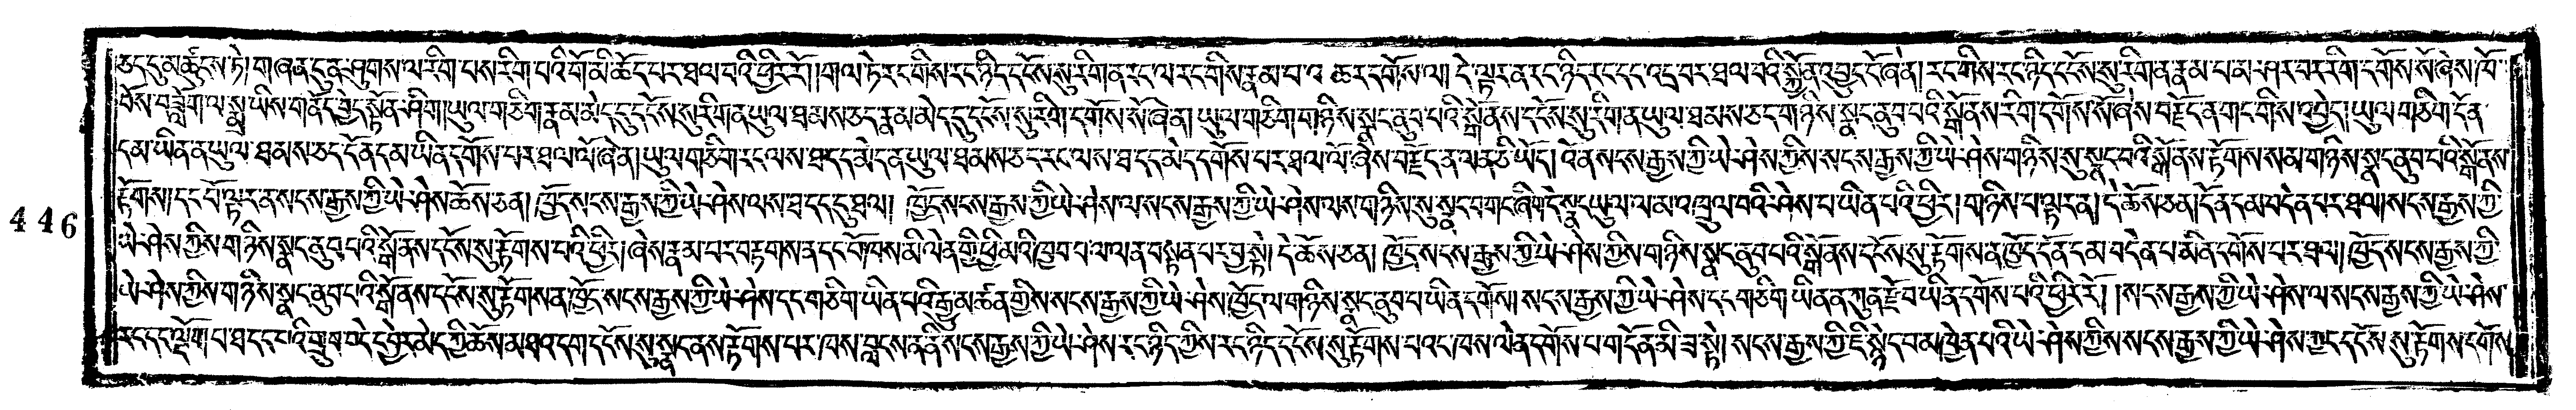ཅད་དུ་མཚུངས་ཏེ། གཞན་དུ་ན་ཤུགས་ལ་རིག་པས་རིག་པའི་གོ་མི་ཆོད་པར་ཐལ་བའི་ཕྱིར་རོ། །གལ་ཏེ་རང་གིས་རང་ཉིད་དངོས་སུ་རིག་ན་རང་ལ་རང་གིས་རྣམ་པ་འཆར་དགོས་ལ། དེ་ལྟར་ནའང་ཉིད་རང་དང་འདྲ་བར་ཐལ་བའི་སྐྱོན་འབྱུང་ངོ་ཞེ་ན། རང་གིས་རང་ཉིད་དངོས་སུ་རིག་ན་རྣམ་པ་མ་ཤར་བར་རིག་དགོས་སོ་ཞེས་ཁོ་
བོས་བཟློག་ལ་སྨྲ་ཡིས་གནོད་བྱེད་སྟོན་ཤིག །ཡུལ་གཅིག་རྣམ་མེད་དུ་དངོས་སུ་རིག་ན་ཡུལ་ཐམས་ཅད་རྣམ་མེད་དུ་དངོས་སུ་རིག་དགོས་སོ་ཞེ་ན། ཡུལ་གཅིག་གཉིས་སྣང་ནུབ་པའི་སྒོ་ནས་དངོས་སུ་རིག་ན་ཡུལ་ཐམས་ཅད་གཉིས་སྣང་ནུབ་པའི་སྒོ་ནས་རིག་དགོས་སོ་ཞེས་བརྗོད་ན་གང་གིས་འབྱེད། ཡུལ་གཅིག་དོན་
དམ་ཡིན་ན་ཡུལ་ཐམས་ཅད་དོན་དམ་ཡིན་དགོས་པར་ཐལ་ལོ་ཞེ་ན། ཡུལ་གཅིག་རང་ལས་ཐ་དད་མེད་ན་ཡུལ་ཐམས་ཅད་རང་ལས་ཐ་དད་མེད་དགོས་པར་ཐལ་ལོ་ཞེས་བརྗོད་ན་ལན་ཅི་ཡོད། འོ་ན་སངས་རྒྱས་ཀྱི་ཡེ་ཤེས་ཀྱིས་སངས་རྒྱས་ཀྱི་ཡེ་ཤེས་གཉིས་སུ་སྣང་བའི་སྒོ་ནས་རྟོགས་སམ་གཉིས་སྣང་ནུབ་པའི་སྒོ་ནས་
རྟོགས། དང་པོ་ལྟར་ན་སངས་རྒྱས་ཀྱི་ཡེ་ཤེས་ཆོས་ཅན། ཁྱོད་སངས་རྒྱས་ཀྱི་ཡེ་ཤེས་ལས་ཐ་དད་དུ་ཐལ། ཁྱོད་སངས་རྒྱས་ཀྱི་ཡེ་ཤེས་ལ་སངས་རྒྱས་ཀྱི་ཡེ་ཤེས་ལས་གཉིས་སུ་སྣང་བ་གང་ཞིག་དེ་སྣང་ཡུལ་ལམ་འཁྲུལ་བའི་ཡེ་ཤེས་པ་ཡིན་པའི་ཕྱིར། གཉིས་པ་ལྟར་ན། དེ་ཆོས་ཅན། དོན་དམ་བདེན་པར་ཐལ། སངས་རྒྱས་ཀྱི་
ཡེ་ཤེས་ཀྱིས་གཉིས་སྣང་ནུབ་པའི་སྒོ་ནས་དངོས་སུ་རྟོགས་པའི་ཕྱིར། ཞེས་རྣམ་པར་བརྟགས་ན་དང་པོ་ཁས་མི་ལེན་གྱི་ཕྱི་མའི་ཁྱབ་པ་ལ་ལན་བསྟན་པར་བྱ་སྟེ། དེ་ཆོས་ཅན། ཁྱོད་སངས་རྒྱས་ཀྱི་ཡེ་ཤེས་ཀྱིས་གཉིས་སྣང་ནུབ་པའི་སྒོ་ནས་དངོས་སུ་རྟོགས་ན་ཁྱོད་དོན་དམ་བདེན་པ་མིན་དགོས་པར་ཐལ། ཁྱོད་སངས་རྒྱས་ཀྱི་
ཡེ་ཤེས་ཀྱིས་གཉིས་སྣང་ནུབ་པའི་སྒོ་ནས་དངོས་སུ་རྟོགས་ན་ཁྱོད་སངས་རྒྱས་ཀྱི་ཡེ་ཤེས་དང་གཅིག་ཡིན་པའི་རྒྱུ་མཚན་གྱིས་སངས་རྒྱས་ཀྱི་ཡེ་ཤེས་ཁྱོད་ལ་གཉིས་སྣང་ནུབ་པ་ཡིན་དགོས་སངས་རྒྱས་ཀྱི་ཡེ་ཤེས་དང་གཅིག་ཡིན་ན་ཀུན་རྫོབ་ཡིན་དགོས་པའི་ཕྱིར་རོ། །སངས་རྒྱས་ཀྱི་ཡེ་ཤེས་ལ་སངས་རྒྱས་ཀྱི་ཡེ་ཤེས་
རང་དང་ལྡོག་པ་ཐ་དད་པའི་གྲུབ་བདེ་དབྱེར་མེད་ཀྱི་ཆོས་མཐའ་དག་དངོས་སུ་སྣང་ནས་རྟོགས་པར་ཁས་བླངས་ན་ནི་སངས་རྒྱས་ཀྱི་ཡེ་ཤེས་རང་ཉིད་ཀྱིས་རང་ཉིད་དངོས་སུ་རྟོགས་པའང་ཁས་ལེན་དགོས་པ་གདོན་མི་ཟ་སྟེ། སངས་རྒྱས་ཀྱི་དི་སྙེད་པ་མཁྱེན་པའི་ཡེ་ཤེས་ཀྱིས་སངས་རྒྱས་ཀྱི་ཡེ་ཤེས་ཀྱང་དངོས་སུ་རྟོགས་དགོས་